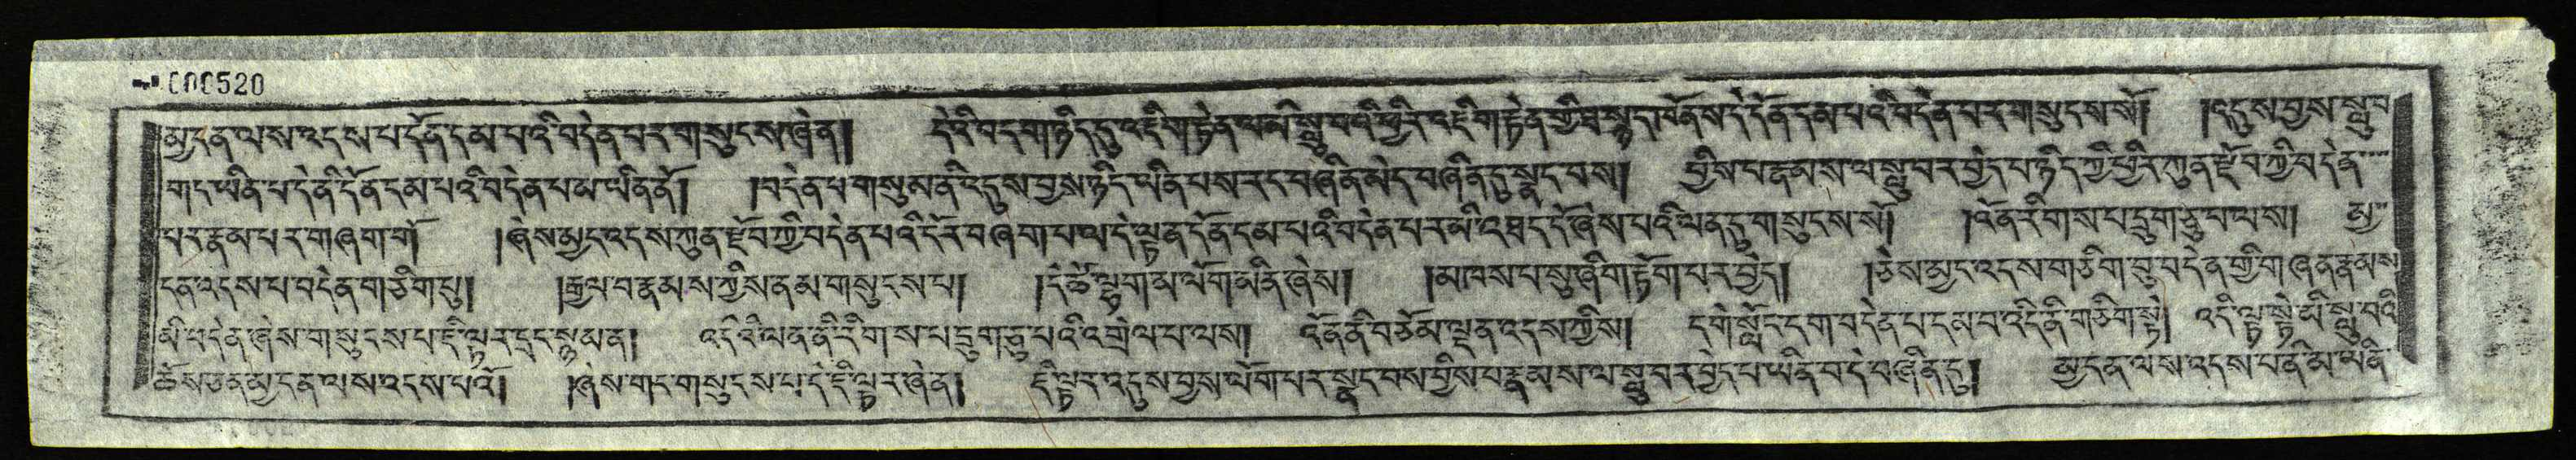མྱ་ངན་ལས་འདས་པ་དོན་དམ་པའི་བདེན་པར་གསུངས་ཞེ་ན། དེའི་བདག་ཉིད་དུ་འཇིག་རྟེན་ལ་མི་སླུ་བའི་ཕྱིར་འཇིག་རྟེན་གྱི་ཐ་སྙད་ཁོ་ནས་དེ་དོན་དམ་པའི་བདེན་པར་གསུངས་སོ། །འདུས་བྱས་སླུ་བ་
གང་ཡིན་པ་དེ་ནི་དོན་དམ་པའི་བདེན་པ་མ་ཡིན་ནོ། །བདེན་པ་གསུམ་ནི་འདུས་བྱས་ཉིད་ཡིན་པས་རང་བཞིན་མེད་བཞིན་དུ་སྣང་བས། ཕྱིས་པ་རྣམས་ལ་སླུ་བར་བྱེད་པ་ཉིད་ཀྱི་ཕྱིར་ཀུན་རྫོབ་ཀྱི་བདེན་
པར་རྣམ་པར་གཞག་གོ །ཞེས་མྱང་འདས་ཀུན་རྫོབ་ཀྱི་བདེན་པའི་ངོར་བཞག་པ་ལ་དེ་ལྟ་ན་དོན་དམ་པའི་བདེན་པར་མི་འཐད་དོ་ཞེས་པའི་ལན་དུ་གསུངས་སོ། །འོ་ན་རིགས་པ་དྲུག་ཅུ་པ་ལས། མྱ་
ངན་འདས་པ་བདེན་གཅིག་པུ། །རྒྱལ་བ་རྣམས་ཀྱིས་ནམ་གསུངས་པ། །དེ་ཚེ་ལྷག་མ་ལོག་མིན་ཞེས། །མཁས་པ་སུ་ཞིག་རྟོག་པར་བྱེད། །ཅེས་མྱང་འདས་གཅིག་བུ་བདེན་གྱི་གཞན་རྣམས་
མི་བདེན་ཞེས་གསུངས་པ་ཇི་ལྟར་དྲང་སྙམ་ན། འདིའི་ལན་ནི་རིགས་པ་དྲུག་བཅུ་པའི་འགྲེལ་པ་ལས། འོན་ནི་བཅོམ་ལྡན་འདས་ཀྱིས། དགེ་སློང་དག་བདེན་པ་དམ་པ་འདི་ནི་གཅིག་སྟེ། འདི་ལྟ་སྟེ་མི་སླུ་བའི་
ཆོས་ཅན་མྱ་ངན་ལས་འདས་པའོ། །ཞེས་གང་གསུངས་པ་དེ་ཇི་ལྟར་ཞེ་ན། ཇི་ལྟར་འདུས་བྱས་ལོག་པར་སྣང་བས་བྱིས་པ་རྣམས་ལ་སླུ་བར་བྱེད་པ་ཡིན་པ་དེ་བཞིན་དུ། མྱ་ངན་ལས་འདས་པ་ནི་མ་ཡིན་